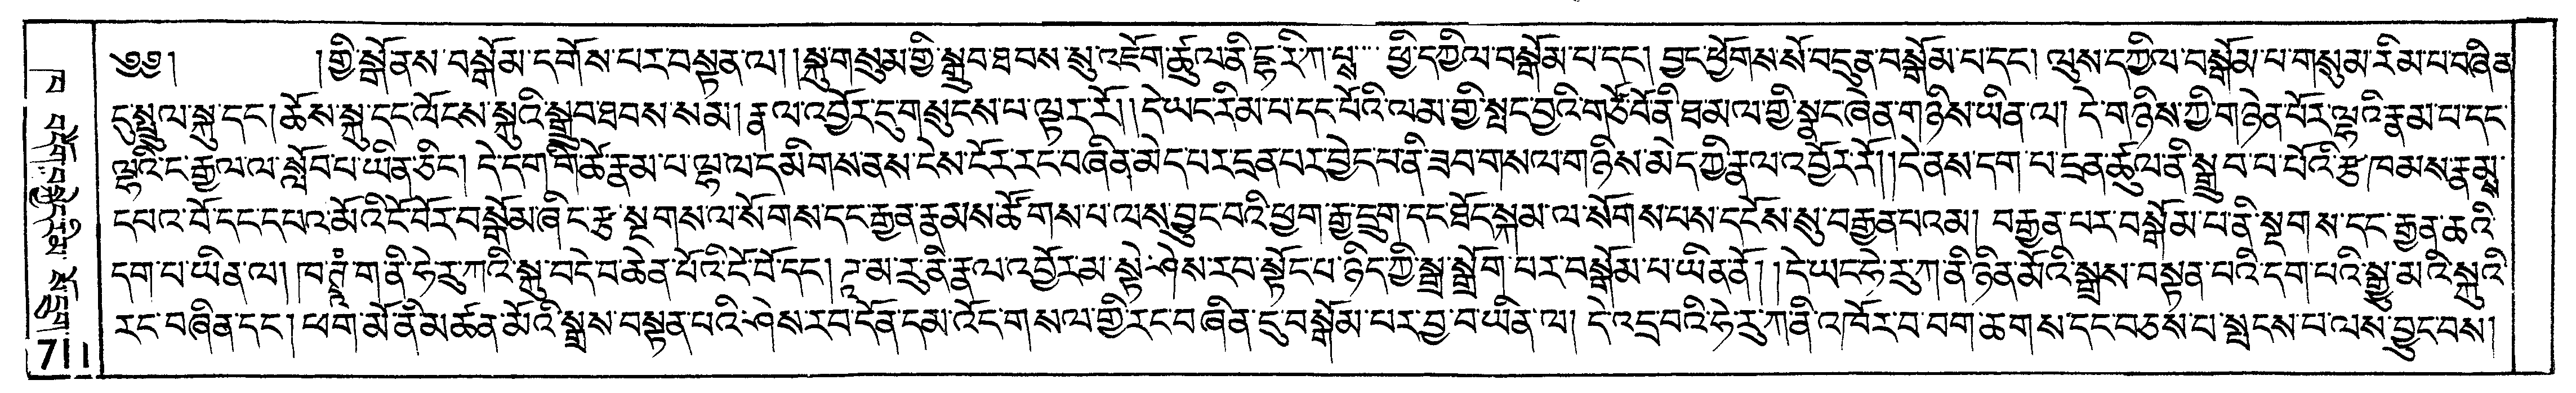༄༅། །གྱི་སྒོ་ནས་བསྒོམ་དགོས་པར་བསྟན་ལ། །སྐུ་གསུམ་གྱི་སྒྲུབ་ཐབས་སུ་འཇོག་ཚུལ་ནི་དྷ་རི་ཀ་པས་ཕྱི་དཀྱིལ་བསྒོམ་པ་དང་། བྱང་ཕྱོགས་སོ་བདུན་བསྒོམ་པ་དང་། ལུས་དཀྱིལ་བསྒོམ་པ་གསུམ་རིམ་པ་བཞིན་
དུ་སྤྲུལ་སྐུ་དང་། ཆོས་སྐུ་དང་ལོངས་སྐུའི་སྒྲུབ་ཐབས་སམ། རྣལ་འབྱོར་དུ་གསུངས་པ་ལྟར་རོ། །དེ་ཡང་རིམ་པ་དང་པོའི་ལམ་གྱི་སྤང་བྱའི་གཙོ་བོ་ནི་ཐ་མལ་གྱི་སྣང་ཞེན་གཉིས་ཡིན་ལ། དེ་གཉིས་ཀྱི་གཉེན་པོར་ལྷའི་རྣམ་པ་དང་
ལྷའི་ང་རྒྱལ་ལ་སློབ་པ་ཡིན་ཅིང་། དེ་དག་གི་ཚེ་རྣམ་པ་ལྷ་ལ་དམིགས་ནས་ངེས་ངོར་རང་བཞིན་མེད་པར་དྲན་པར་བྱེད་པ་ནི་ཟབ་གསལ་གཉིས་མེད་ཀྱི་རྣལ་འབྱོར་རོ། །དེ་ནས་དག་པ་དྲན་ཚུལ་ནི་སྒྲུབ་པ་པོའི་རྩ་ཁམས་རྣམས་
དཔའ་བོ་དང་དཔའ་མོའི་ངོ་བོར་བསྒོམ་ཞིང་རྩ་སྔགས་ལ་སོགས་དང་རྒྱན་རྣམས་ཚོགས་པ་ལས་བྱུང་བའི་ཕྱག་རྒྱ་དྲུག་དང་ཐོད་སྐམ་ལ་སོགས་པས་དངོས་སུ་བརྒྱན་པའམ། བརྒྱན་པར་བསྒོམ་པ་ནི་སྔགས་དང་རྒྱན་ཆའི་
དག་པ་ཡིན་ལ། ཁ་ཊྭཱཾ་ག་ནི་ཧེ་རུ་ཀའི་སྐུ་བདེ་བ་ཆེན་པོའི་ངོ་བོ་དང་། ཌཱ་མ་རུ་ནི་རྣལ་འབྱོར་མ་སྟེ་ཤེས་རབ་སྟོང་པ་ཉིད་ཀྱི་སྒྲ་སྒྲོག་པར་བསྒོམ་པ་ཡིན་ནོ། །དེ་ཡང་ཧེ་རུ་ཀ་ནི་ཉིན་མོའི་སྒྲས་བསྟན་པའི་དག་པའི་སྒྱུ་མའི་སྐུའི་
རང་བཞིན་དང་། ཕག་མོ་ནི་མཚན་མོའི་སྒྲས་བསྟན་པའི་ཤེས་རབ་དོན་དམ་འོད་གསལ་གྱི་རང་བཞིན་དུ་བསྒོམ་པར་བྱ་བ་ཡིན་ལ། དེ་འདྲ་བའི་ཧེ་རུ་ཀ་ནི་འཁོར་བ་བག་ཆགས་དང་བཅས་པ་སྤངས་པ་ལས་བྱུང་བས།